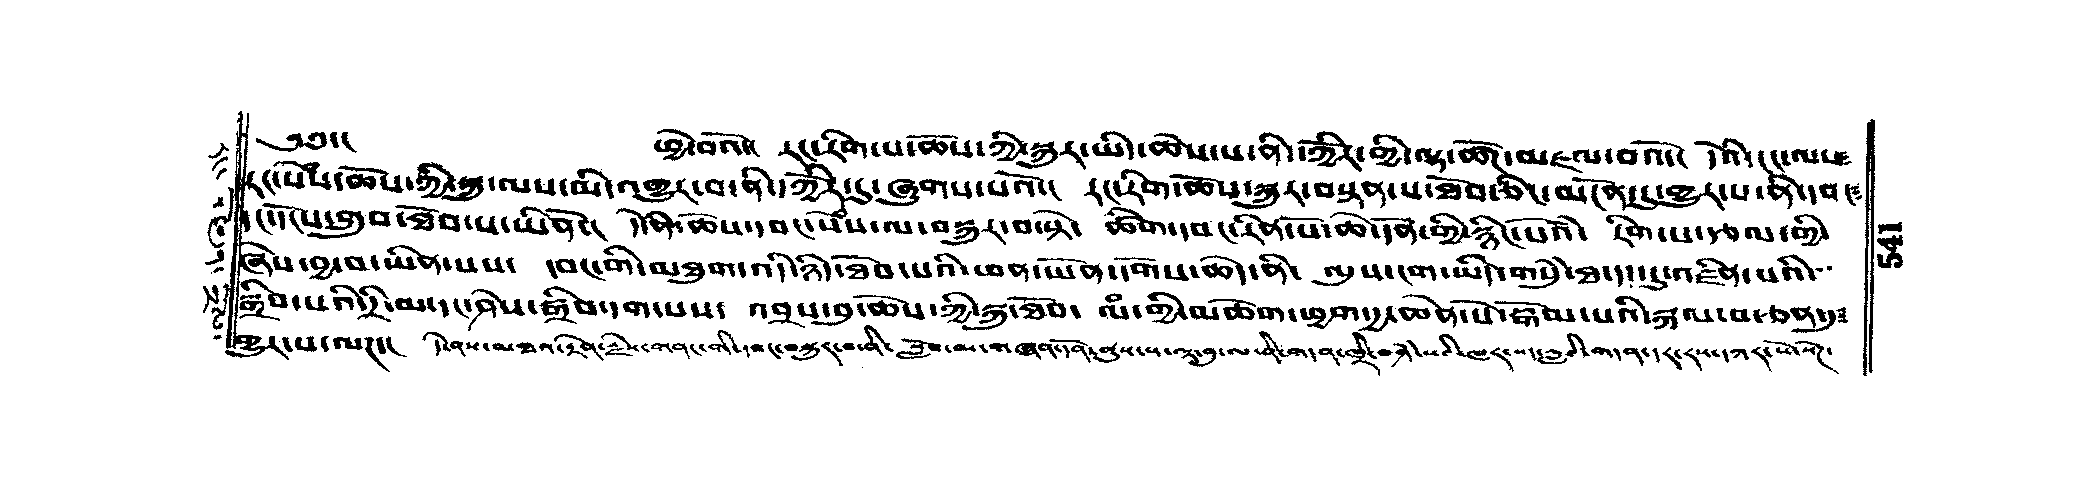ཕྱེ་བའོ། རང་རིག་པ་ཆོས་ཀྱི་སྐུར་ཡིད་ཆེས་པ་ནི་དཀྱིལ་འཁོར་གྱི་ལྷ་ཚོགས་མཇལ་བའོ། དེའི་ངང་ལས་
རང་སེམས་ཆོས་ཀྱི་སྐུ་ལས་མི་འགྱུར་བ་ནི་དཀྱིལ་འཁོར་དུ་ཞུགས་པའོ། རང་རིག་ཆོས་སྐུར་བསྟན་པ་ཐོབ་ཅིང་མངོན་དུ་གྱུར་པ་ནི་དབང་
དང་དངོས་གྲུབ་ཐོབ་པ་ཡིན་ནོ། དེ་ནི་ཆོས་དབང་སེམས་ལ་བསྐུར་བ་སྟེ། ཚིག་དབང་རིན་པོ་ཆེ་དོན་གྱི་སྙིང་པོའོ། རིག་པ་རྩལ་གྱི་
ཞེས་བྱ་བ་ནི། དབང་གི་མཐར་ཐུག་འདི་ཉིད་ཐོབ་པའི་ཕན་ཡོན་དགོས་ཆེད་ནི། ལུས་ངག་ཡིད་གསུམ་ཐ་དད་དུ་འཛིན་པའི་
སྒྲིབ་པའི་དྲི་མ་དང་ཤེས་སྒྲིབ་དག་པས་འབྲས་བུ་ཆོས་ཀྱི་སྐུ་ཐོབ། ལམ་གྱི་མཆོག་ཕྱག་རྒྱ་ཆེན་པོ་སྒོམ་པའི་སྐ་བ་ཅན་དུ་
གྱུར་བ་ལགས། དེ་ནས་མཐའ་རྟེན་རྗེས་གནང་གི་དབང་བསྐུར་བ་ནི། སློབ་མ་གཞན་དོན་ནུས་པ་ལྟ་བུ་ལ་ནི་གདན་ཁྲི་བཤམས་པའི་ཁར་པད་ཟླའི་གདན་དར་རས་དཀར་པོ་སོགས་